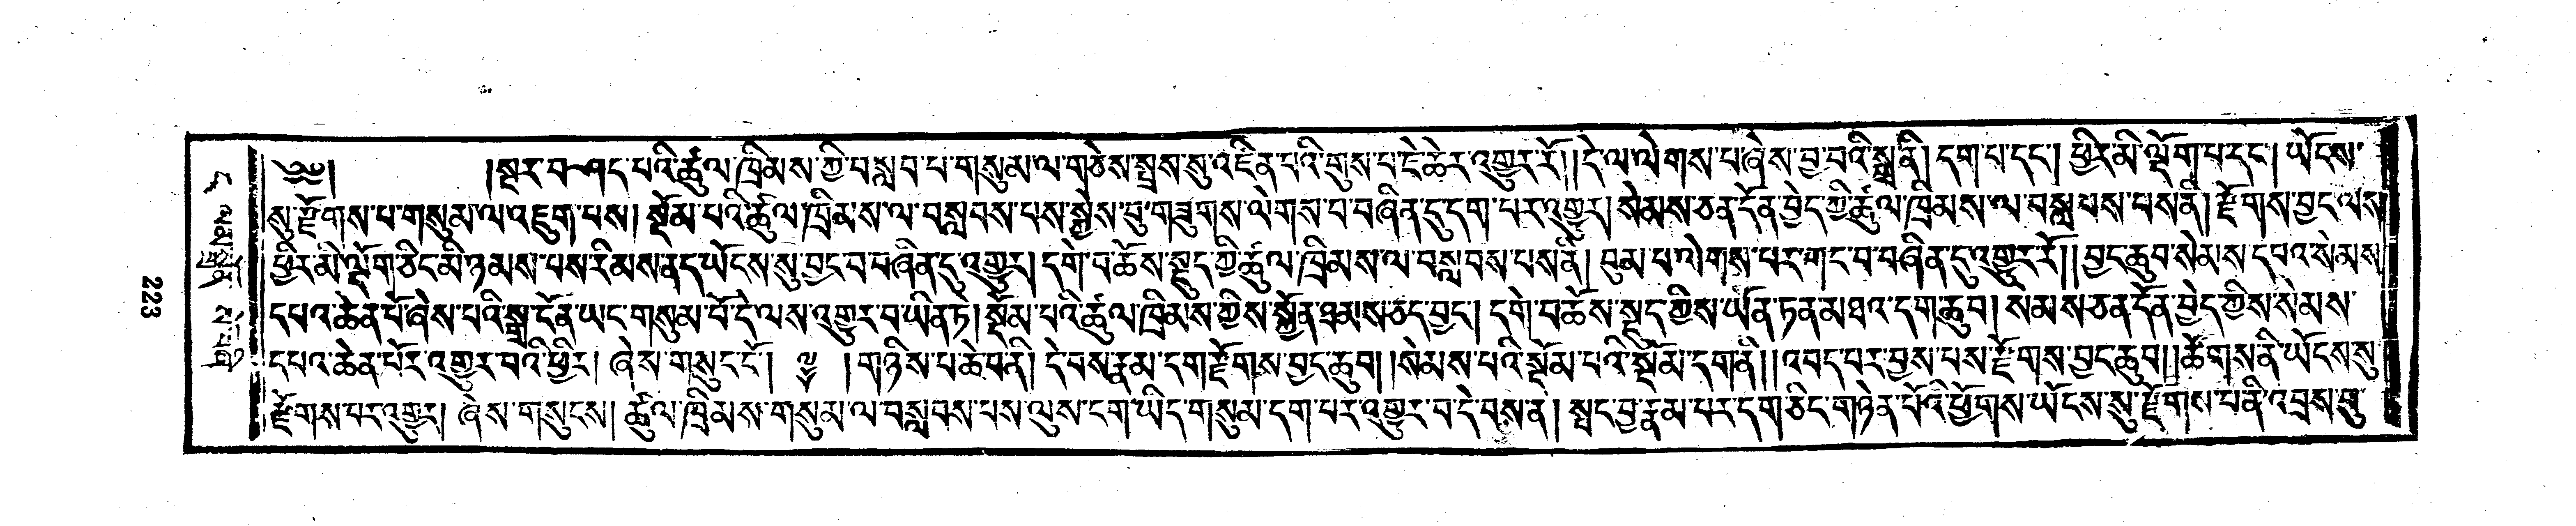༄༅། །སྔར་བཤད་པའི་ཚུལ་ཁྲིམས་ཀྱི་བསླབ་པ་གསུམ་ལ་གཅེས་སྤྲས་སུ་འཛིན་པའི་གུས་པ་ཇེ་ཆེར་འགྱུར་རོ། །དེ་ལ་ལེགས་པ་ཞེས་བྱ་བའི་སྒྲ་ནི། དག་པ་དང་། ཕྱིར་མི་ལྡོག་པ་དང་། ཡོངས་
སུ་རྫོགས་པ་གསུམ་ལ་འཇུག་པས། སྡོམ་པའི་ཚུལ་ཁྲིམས་ལ་བསླབས་པས་སྐྱེས་བུ་གཟུགས་ལེགས་པ་བཞིན་དུ་དག་པར་འགྱུར། སེམས་ཅན་དོན་བྱེད་ཀྱི་ཚུལ་ཁྲིམས་ལ་བསླབས་པས་ནི། རྫོགས་བྱང་ལས་
ཕྱིར་མི་ལྡོག་ཅིང་མི་ཉམས་པས་རིམས་ནད་ཡོངས་སུ་བྱང་བ་བཞིན་དུ་འགྱུར། དགེ་བ་ཆོས་སྡུད་ཀྱི་ཚུལ་ཁྲིམས་ལ་བསླབས་པས་ནི། བུམ་པ་ལེགས་པར་གང་བ་བཞིན་དུ་འགྱུར་རོ། །བྱང་ཆུབ་སེམས་དཔའ་སེམས་
དཔའ་ཆེན་པོ་ཞེས་པའི་སྒྲ་དོན་ཡང་གསུམ་པོ་དེ་ལས་འགྱུར་བ་ཡིན་ཏེ། སྡོམ་པའི་ཚུལ་ཁྲིམས་ཀྱིས་སྐྱོན་ཐམས་ཅད་བྱང་། དགེ་བ་ཆོས་སྡུད་ཀྱིས་ཡོན་ཏན་མཐའ་དག་ཆུབ། སེམས་ཅན་དོན་བྱེད་ཀྱིས་སེམས་
དཔའ་ཆེན་པོར་འགྱུར་བའི་ཕྱིར། ཞེས་གསུང་ངོ། ༈ །གཉིས་པ་ཆེ་བ་ནི། དེ་བས་རྣམ་དག་རྫོགས་བྱང་ཆུབ། །སེམས་པའི་སྡོམ་པའི་སྡོམ་དག་ནི། །འབད་པར་བྱས་པས་རྫོགས་བྱང་ཆུབ། །ཚོགས་ནི་ཡོངས་སུ་
རྫོགས་པར་འགྱུར། ཞེས་གསུངས། ཚུལ་ཁྲིམས་གསུམ་ལ་བསླབས་པས་ལུས་ངག་ཡིད་གསུམ་དག་པར་འགྱུར་བ་དེ་བས་ན། སྤང་བྱ་རྣམ་པར་དག་ཅིང་གཉེན་པོའི་ཕྱོགས་ཡོངས་སུ་རྫོགས་པ་ནི་འབྲས་བུ་